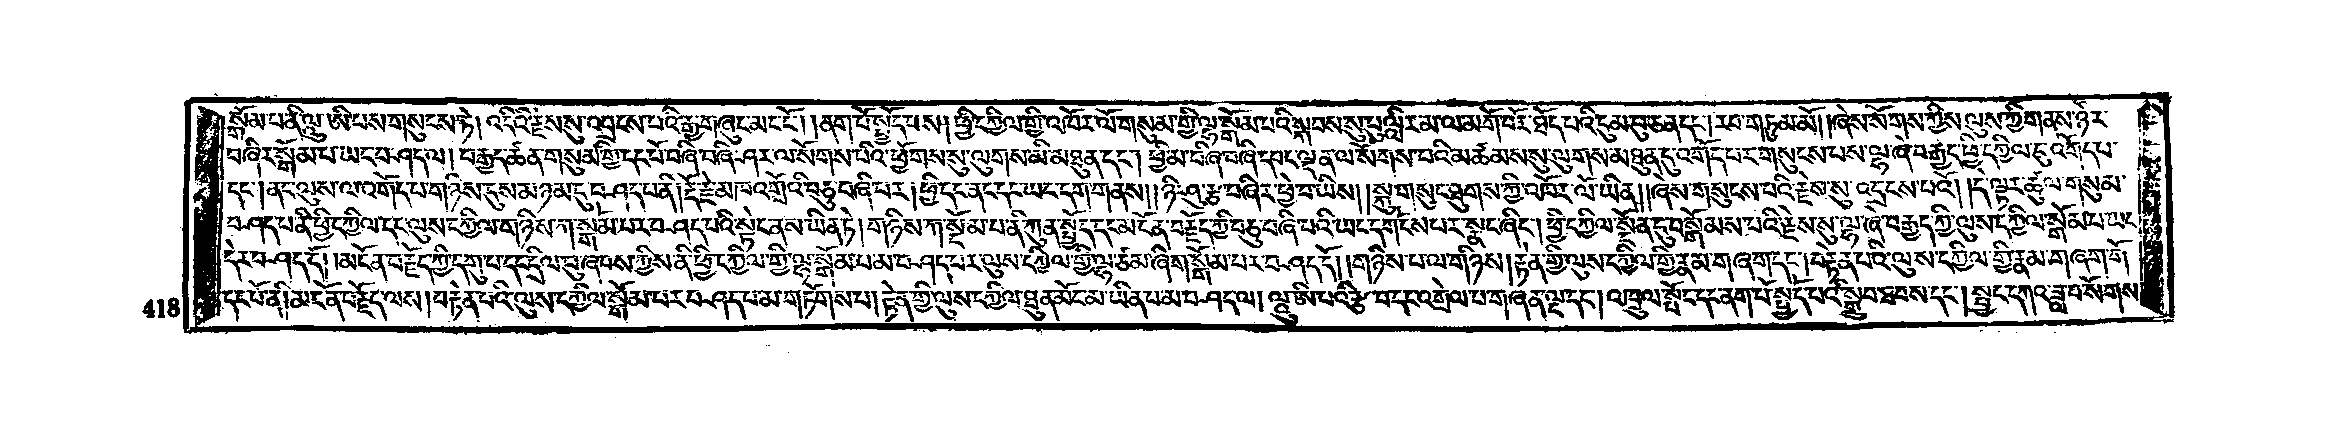སྒོམ་པ་ནི་ལཱུ་ཨི་པས་གསུངས་ཏེ། འདིའི་རྗེས་སུ་འབྲངས་པའི་རྒྱ་གཞུང་མང་ངོ། །ནག་པོ་སྤྱོད་པས། ཕྱི་དཀྱིལ་གྱི་འཁོར་ལོ་གསུམ་གྱི་ལྷ་སྒོམ་པའི་སྐབས་སུ་པུལླིར་མ་ལ་མགོ་བོར་ཐོད་པའི་དུམ་བུ་ཅན་དང་། རབ་གཏུམ་མོ། །ཞེས་སོགས་ཀྱིས་ལུས་ཀྱི་གནས་ཉེར་
བཞིར་སྒོམ་པ་ཡང་བཤད་ལ། བརྒྱད་ཚན་གསུམ་གྱི་དང་པོ་བཞི་བཞི་ཤར་ལ་སོགས་པའི་ཕྱོགས་སུ་ལུགས་མི་མཐུན་དང་། ཕྱི་མ་བཞི་བཞི་དབང་ལྡན་ལ་སོགས་པའི་མཚམས་སུ་ལུགས་མཐུན་དུ་འགོད་པར་གསུངས་པས་ལྷ་ཞེ་བརྒྱད་ཕྱི་དཀྱིལ་དུ་འགོད་པ་
དང་། ནང་ལུས་ལ་འགོད་པ་གཉིས་དུས་མཉམ་དུ་བཤད་པ་ནི། རྡོ་རྗེ་མཁའ་འགྲོའི་བཅུ་བཞི་པར། ཕྱི་དང་ནང་དང་ཡང་དག་གནས། །ཉི་ཤུ་རྩ་བཞིར་ཕྱེ་བ་ཡིས། །སྐུ་གསུང་ཐུགས་ཀྱི་འཁོར་ལོ་ཡིན། །ཞེས་གསུངས་པའི་རྗེས་སུ་འདྲངས་པའོ། །དེ་ལྟར་ཚུལ་གསུམ་
བཤད་པ་ནི་ཕྱི་དཀྱིལ་དང་ལུས་དཀྱིལ་གཉིས་ཀ་སྒོམ་པར་བཤད་པའི་སྟེང་ནས་ཡིན་ཏེ། གཉིས་ཀ་སྡོམ་པ་ནི་ཀུན་སྤྱོད་དང་མངོན་བརྗོད་ཀྱི་བཅུ་བཞི་པའི་ཡང་དགོངས་པར་སྣང་ཞིང་། ཕྱི་དཀྱིལ་སྔོན་དུ་བསྒོམས་པའི་རྗེས་སུ་ལྷ་ཞེ་བརྒྱད་ཀྱི་ལུས་དཀྱིལ་སྒོམ་པ་ཡང་
དེར་བཤད་དོ། །མངོན་བརྗོད་ཀྱི་དགུ་པ་དང་དྲིལ་བུ་ཞབས་ཀྱིས་ནི་ཕྱི་དཀྱིལ་གྱི་ལྷ་སྒོམ་པ་མ་བཤད་པར་ལུས་དཀྱིལ་གྱི་ལྷ་ཙམ་ཞིག་སྒོམ་པར་བཤད་དོ། །གཉིས་པ་ལ་གཉིས། རྟེན་གྱི་ལུས་དཀྱིལ་གྱི་རྣམ་གཞག་དང་། བརྟེན་པའི་ལུས་དཀྱིལ་གྱི་རྣམ་གཞག་གོ་
དང་པོ་ནི། མངོན་བརྗོད་ལས། བརྟེན་པའི་ལུས་དཀྱིལ་སྒོམ་པར་བཤད་པ་མ་གཏོགས་པ། རྟེན་གྱི་ལུས་དཀྱིལ་ཐུན་མོང་མ་ཡིན་པ་མ་བཤད་ལ། ལཱུ་ཨི་པའི་རྩི་བ་དང་འགྲེལ་པ་གཞན་ལྔ་དང་། འཁྲུལ་སྤོང་དང་ནག་པོ་སྤྱོད་པའི་སྒྲུབ་ཐབས་དང་། སྦྱང་དཀའ་ཟླ་བ་སོགས་